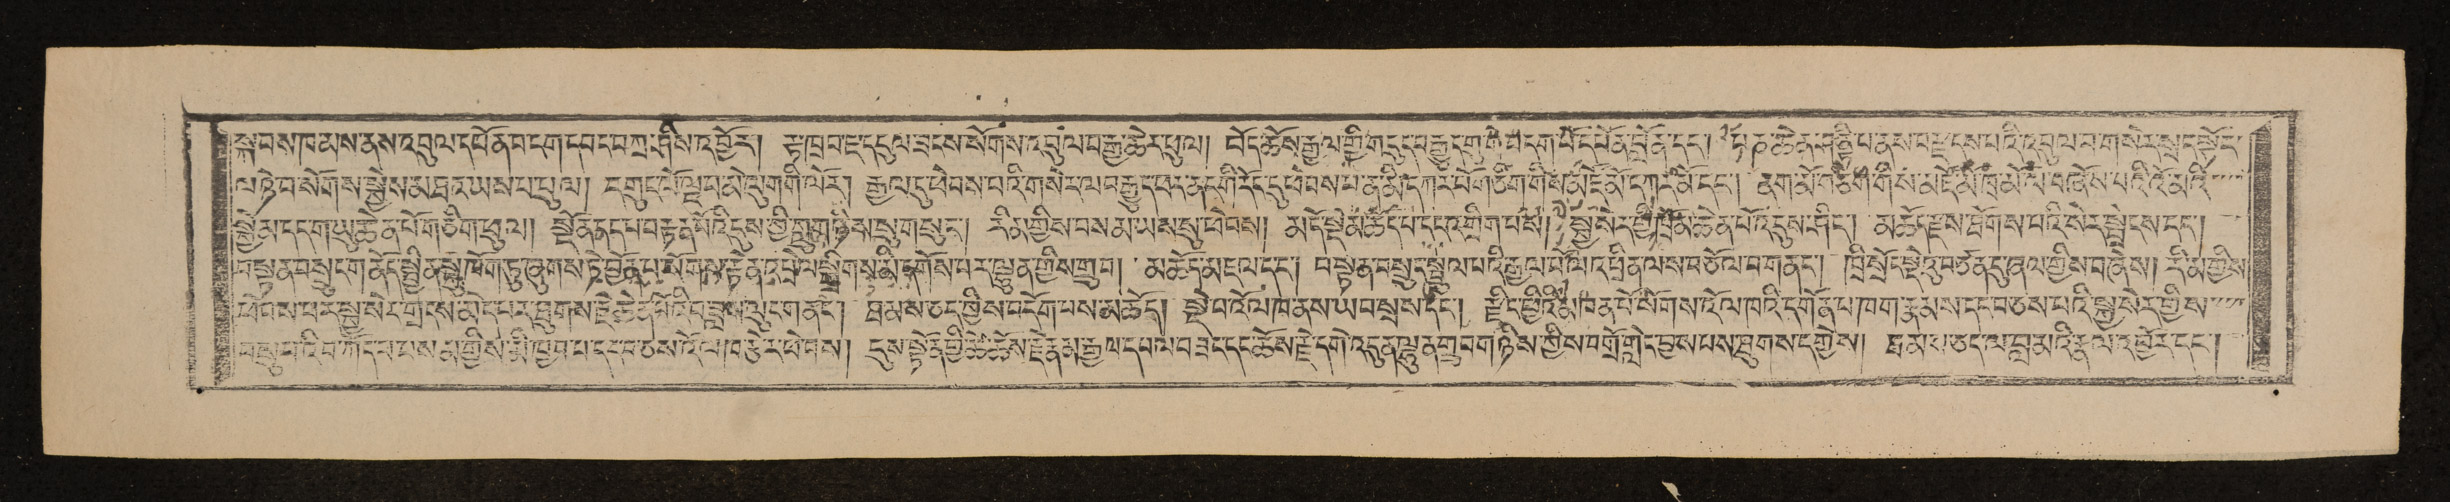སྐབས་ཁམས་ནས་འབུལ་དཔོན་པ་ངག་དབང་བཀྲ་ཤིས་འབྱོར། རྟ་ཁྲབ་ཇ་དངུལ་ཟངས་སོགས་འབུལ་བ་རྒྱ་ཆེར་ཕུལ། བོད་ཆོས་རྒྱལ་གྱི་གདུང་བརྒྱུད་གུ་གེ་བདག་པོ་དཔོན་བློན་དང་། པཎ་ཆེན་ཤནྟི་པ་ནས་བརྫངས་པའི་འབུལ་བ་གསེར་སྲང་སྟོང་
ལ་ཉེ་བ་སོགས་སྐྱེས་མཐའ་ཡས་པ་ཕུལ། དགུང་ལོ་ལྔ་པ་མེ་ལུག་གི་ལོར། རྒྱལ་དུ་ཕེབས་པའི་གསེར་ལ་བརྒྱུད་ཕར་ནང་གི་རོང་དུ་ཕེབས་པ་ན་མི་དཀར་པོ་གཅིག་གིས་མཛོ་མོ་དཀར་མོ་དང་། ནག་མོ་གཅིག་གིས་མཛོ་མོ་ཁྲ་མོ་ལ་བཞོས་པའི་འོ་མའི་
སྐྱེ་མ་དང་གཡུ་ཆེན་པོ་གཅིག་ཕུལ། སྔོན་དད་པ་བརྟན་པོའི་དུས་ཀྱི་ཀླུ་གཉིས་སུ་གསུང་། རིམ་གྱིས་བསམ་ཡས་སུ་ཕེབས། མདོ་སྡེ་མཆོད་པ་དང་འགྲིག་པས། སྐྱ་སེར་གྱི་ཁྲོམ་ཆེན་པོ་འདུས་ཤིང་། མཆོད་རྫས་ཐོགས་པའི་སེར་སྦྲེངས་དང་།
བསྟན་བསྲུང་གནོད་སྦྱིན་སྐུ་ཁོག་ཏུ་ཞུགས་ཏེ་བྱོན་པ་སོགས་རྟེན་འབྲེལ་སྒྲེགས་མི་དགོས་པར་ལྷུན་གྱིས་གྲུབ། མཆོད་མཇལ་དང་། བསྟན་བསྲུང་སྤྲུལ་པའི་རྒྱལ་པོ་ལ་འཕྲིན་ལས་བཅོལ་བ་གནང་། ཁྲི་སྲོང་སྡེའུ་བཙན་དུ་ཞལ་གྱིས་བཞེས། རིམ་གྱིས་
ཕེབས་པར་སྐྱ་སེར་གྲངས་མེད་པར་ཐུགས་རྗེ་ཆེན་པོའི་བཟླས་ལུང་གནང་། ཐམས་ཅད་ཀྱིས་བདོག་པས་མཆོད། སྡེ་པ་འོལ་ཁ་ནས་ཡབ་སྲས་དང་། རྫིང་ཕྱིའི་མཁན་པོ་སོགས་འོལ་ཁའི་དགོན་པ་ཁག་རྣམས་དང་བཅས་པའི་སྐྱ་སེར་གྱིས་
བསུ་བའི་བཀོད་པ་བསམ་གྱིས་མི་ཁྱབ་པ་དང་བཅས་འོལ་ཁ་རྩེར་ཕེབས། དུས་སྟོན་གྱི་ཚེ་ཆོས་རྗེ་རྣམ་རྒྱལ་དཔལ་བཟང་དང་ཆོས་རྗེ་དགེ་འདུན་ལྷུན་གྲུབ་གཉིས་ཀྱིས་བགྲོ་གླེང་བྱས་པས་ཐུགས་དགྱེས། ཐམས་ཅད་ལ་བླ་མའི་རྣལ་འབྱོར་དང་།